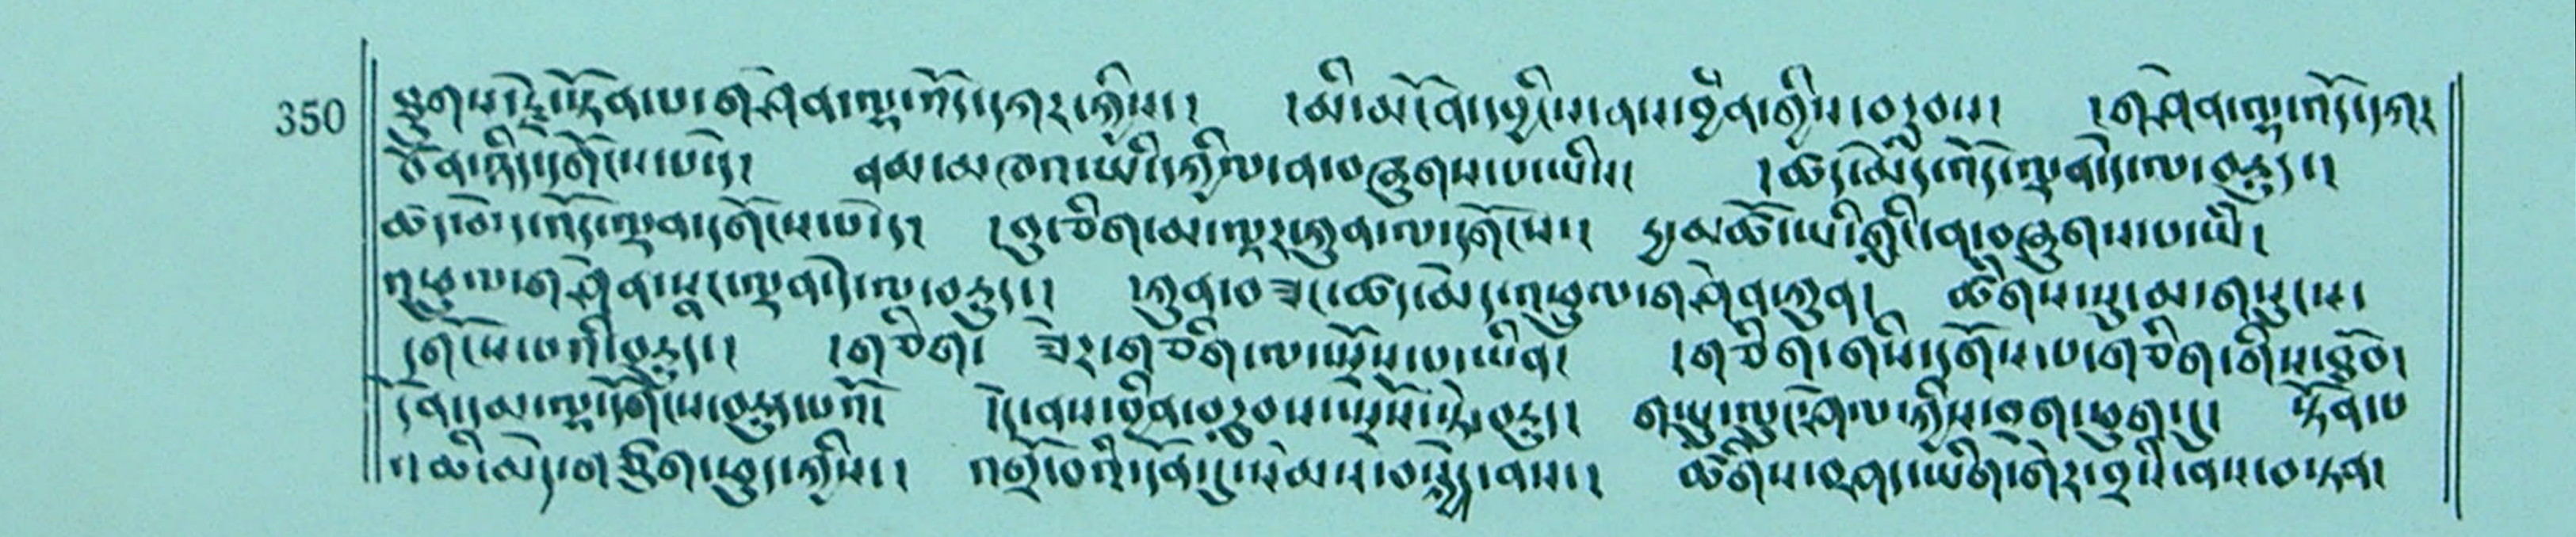ཐུགས་རྗེ་སྟོན་པ་གཤེན་ལྷ་འོད་དཀར་གྱིས། མི་མངོན་དབྱིངས་ནས་བྱིན་གྱིས་རློབས། གཤེན་ལྷ་འོད་དཀར་
བོན་ཉིད་དགོངས་པ་དེ། ནམ་མཁའི་དཀྱིལ་ན་བཞུགས་པ་ཡིས། ཚད་མེད་འོད་ལྡན་དེ་ལ་བརྒྱུད། 
ཚད་མེད་འོད་ལྡན་དགོངས་པ་དེ། བུ་གཅིག་མ་ལྟར་ཀུན་ལ་དགོངས། རྒྱ་མཚོའི་གླིང་ན་བཞུགས་པ་ཡིས།
 འཕྲུལ་གཤེན་སྣང་ལྡན་དེ་ལ་བརྒྱུད། ཀུན་བཟང་ཚད་མེད་འཕྲུལ་གཤེན་ཀུན། ཚིག་ཏུ་མ་གསུངས་
དགོངས་པའི་བརྒྱུད། གཅིག་ཟེར་གཅིག་ལ་སྤྲོས་པ་ཡིན། གཅིག་གི་དགོངས་པ་གཅིག་གིས་ཐོབ། 
དོན་དམ་ལྟ་དགོངས་བརྒྱུད་པའོ། །དེ་ནས་བྱིན་རླབས་སྤྲོས་ཏེ་རྒྱུད། གཡུ་ལུང་ཤེལ་གྱི་བྲག་ཕུག་ཏུ། སྟོན་པ་
ཡེ་གཤེན་གཙུག་ཕུད་ཀྱིས། འགྲོ་བའི་དོན་དུ་སེམས་བསྐྱེད་ནས། ཚིགས་བཤད་ཡི་གེར་བྲིས་ནས་བསྟན།